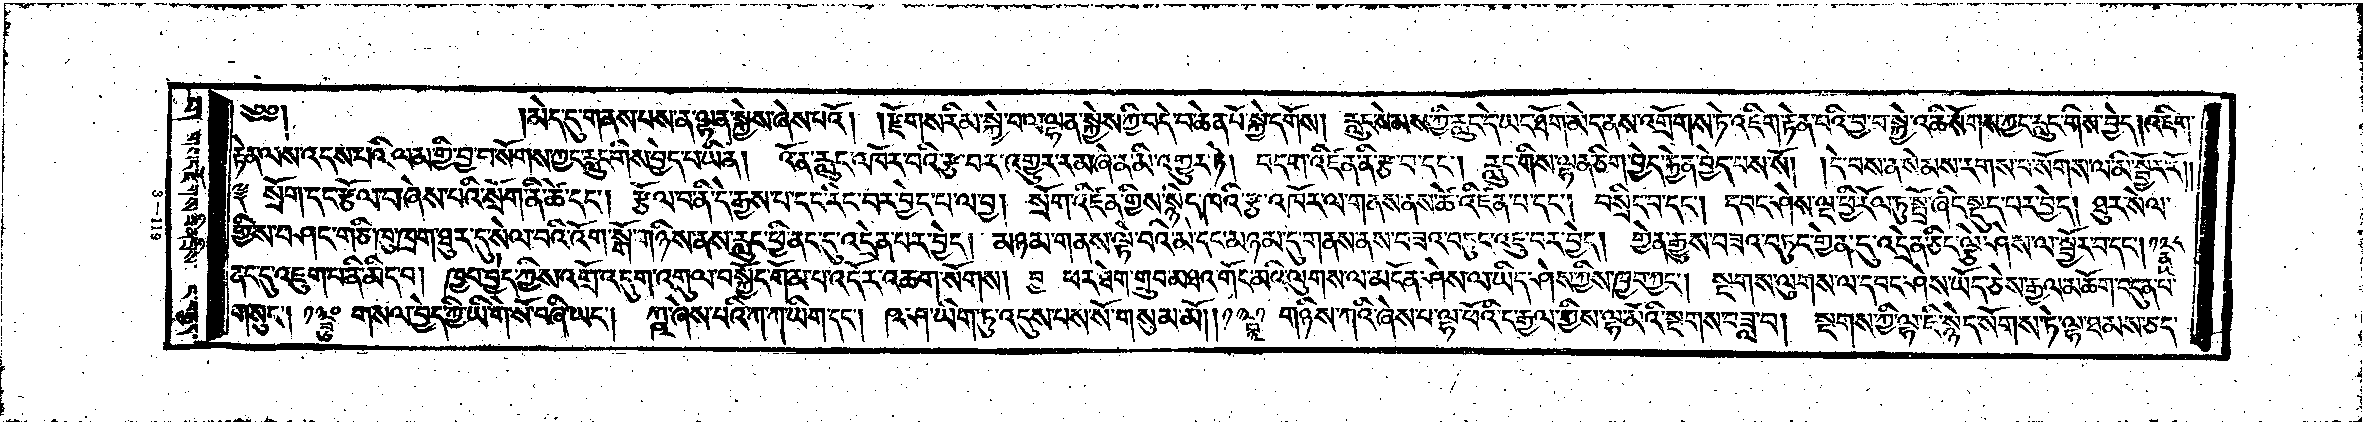༄༅། །མེད་དུ་གནས་པས་ན་ལྷན་སྐྱེས་ཞེས་པའོ། །རྫོགས་རིམ་སྐྱེ་བ་ལ་ལྷན་སྐྱེས་ཀྱི་བདེ་བ་ཆེན་པོ་སྐྱེ་དགོས། རླུང་སེམས་ཀྱི་རླུང་དེ་ཡང་ཐོག་མེད་ནས་འགྲོགས་ཏེ་འཇིག་རྟེན་པའི་བྱ་བ་སྐྱེ་འཆི་སོགས་ཀྱང་རླུང་གིས་བྱེད། འཇིག་
རྟེན་ལས་འདས་པའི་ལམ་གྱི་བྱ་བ་སོགས་ཁྱད་རླུང་གིས་བྱེད་པ་ཡིན། འོ་ན་རླུང་འཁོར་བའི་རྩ་བར་འགྱུར་རམ་ཞེ་ན་མི་འགྱུར་ཏེ། བདག་འཛིན་ནི་རྩ་བ་དང་། རླུང་གིས་ལྷན་ཅིག་བྱེད་རྐྱེན་བྱེད་པས་སོ། །དེ་བས་ན་སེམས་རགས་བ་སོགས་ལ་མི་སྦྱོར་རོ།།
༈ སྲོག་དང་རྩོལ་བ་ཞེས་པའི་སྲོག་ནི་ཚེ་དང་། རྩོལ་བ་ནི་དེ་རྒྱས་པ་དང་རིང་བར་བྱེད་པ་ལ་བྱ། སྲོག་འཛིན་གྱིས་སྙིང་ཁའི་རྩ་འཁོར་ལ་གནས་ནས་ཚེ་འཛིན་པ་དང་། བསྲིད་བ་དང་། དབང་ཤེས་ལྔ་ཕྱི་རོལ་ཏུ་སྤྲོ་ཞིང་སྡུད་བར་བྱེད། ཐུར་སེལ་
གྱིས་བཤད་གཅི་ཁུ་ཁྲག་ཐུར་དུ་སེལ་བའི་འོག་སྒོ་གཉིས་ནས་རླུང་ཕྱི་ནང་དུ་འདྲེན་པར་བྱེད། མཉམ་གནས་ལྟེ་བའི་མེ་དང་མཉམ་དུ་གནས་ནས་བཟའ་བཏུང་འཇུ་བར་བྱེད། གྱེན་རྒྱུས་བཟའ་བཏུང་གྱེན་དུ་འདྲེན་ཅིང་ལྕེ་ཤེས་ལ་སྦྱོར་བ་དང་། ༡༢༨
ནང་དུ་འཇུག་བ་ནི་མིད་བ། ཁྱབ་བྱེད་ཀྱིས་འགྲོ་འདུག་འགུལ་བསྐྱོད་གོམ་པ་འདོར་འཆག་སོགས། བ༤་ཕར་ཐེག་གྲུབ་མཐའ་གོང་མའི་ལུགས་ལ་མངོན་ཤེས་ལ་ཡིད་ཤེས་ཀྱིས་ཁྱབ་ཀྱང་། སྔགས་ལུགས་ལ་དབང་ཤེས་ཡོད་ཅེས་རྒྱལ་མཆོག་བདུན་པ་
གསུང་། ༡༣༠་གསལ་བྱེད་ཀྱི་ཡི་གེ་སོ་བཞི་ཡང་། ཀྵ་ཤེས་བའི་ཀ་ཀ་ཡིག་དང་། ཥ་ཤ་ཡིག་ཏུ་འདུས་པས་སོ་གསུམ་མོ། །༡༣༡་གཉིས་ཀའི་ཞེས་པ་ལྷ་ཕོའི་ང་རྒྱལ་གྱིས་ལྷ་མོའི་སྔགས་བཟླ་བ། སྔགས་ཀྱི་ལྷ་ཇི་སྙེད་སོགས་ཏེ་ལྷ་ཐམས་ཅད་